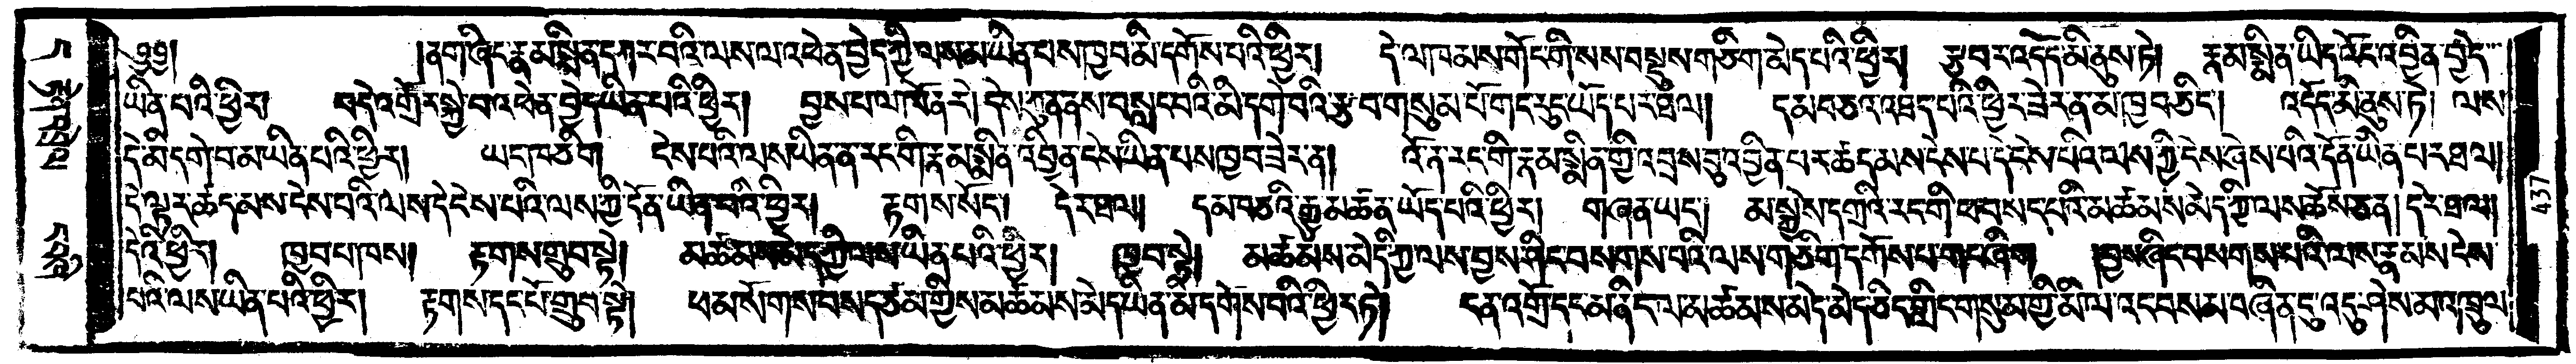༄༅། །ནག་ཞིང་རྣམ་སྨིན་དཀར་བའི་ལས་ལ་འཕེན་བྱེད་ཀྱི་ལས་མ་ཡིན་པས་ཁྱབ་མི་དགོས་པའི་ཕྱིར། དེ་ལ་ཁམས་གོང་གི་སས་བསྡུས་གཅིག་མེད་པའི་ཕྱིར། རྩ་བར་འདོད་མི་ནུས་ཏེ། རྣམ་སྨིན་ཡིད་འོང་འབྱིན་བྱེད་
ཡིན་པའི་ཕྱིར། བདེ་འགྲོར་སྐྱེ་བ་འཕེན་བྱེད་ཡིན་པའི་ཕྱིར། བྱས་པ་ལ་ཁོ་ན་རེ། དེས་ཀུན་ནས་བསླང་བའི་མི་དགེ་བའི་རྩ་བ་གསུམ་པོ་གང་རུང་ཡོད་པར་ཐལ། དམ་བཅའ་འཐད་པའི་ཕྱིར་ཟེར་ན་མ་ཁྱབ་ཅིང་། འདོད་མི་ནུས་ཏེ། ལས་
དེ་མི་དགེ་བ་མ་ཡིན་པའི་ཕྱིར། ཡང་ཁ་ཅིག་ངེས་པའི་ལས་ཡིན་ན་རང་གི་རྣམ་སྨིན་འབྱིན་ངེས་ཡིན་པས་ཁྱབ་ཟེར་ན། འོ་ན་རང་གི་རྣམ་སྨིན་གྱི་འབྲས་བུ་འབྱིན་པར་ཚད་མས་ངེས་པ་དེ་ངེས་པའི་ལས་ཀྱི་ངེས་ཞེས་པའི་དོན་ཡིན་པར་ཐལ།
དེ་ལྟར་ཚད་མས་ངེས་པའི་ལས་དེ་ངེས་པའི་ལས་ཀྱི་དོན་ཡིན་པའི་ཕྱིར། རྟགས་སོང་། དེར་ཐལ། དམ་བཅའི་རྒྱུ་མཚན་ཡོད་པའི་ཕྱིར། གཞན་ཡང་། མ་སྐྱེས་དགྲའི་རང་གི་ཕ་བསད་པའི་མཚམས་མེད་ཀྱི་ལས་ཆོས་ཅན། དེར་ཐལ།
དེའི་ཕྱིར། ཁྱབ་པ་ཁས། རྟགས་གྲུབ་སྟེ། མཚམས་མེད་ཀྱི་ལས་ཡིན་པའི་ཕྱིར། ཁྱབ་སྟེ། མཚམས་མེད་ཀྱི་ལས་བྱས་ཤིང་བསགས་པའི་ལས་གཅིག་དགོས་པ་གང་ཞིག །བྱས་ཞིང་བསགས་པའི་ལས་རྣམས་ངེས་
པའི་ལས་ཡིན་པའི་ཕྱིར། རྟགས་དང་པོ་གྲུབ་སྟེ། ཕ་མ་སོགས་བསད་ཙམ་གྱིས་མཚམས་མེད་ཡིན་མི་དགོས་པའི་ཕྱིར་ཏེ། ངན་འགྲོ་དང་མ་ནིང་ལ་མཚམས་མེད་མེད་ཅིང་གླིང་གསུམ་གྱི་མི་ལ་འང་བསམ་བཞིན་དུ་འདུ་ཤེས་མ་འཁྲུལ་